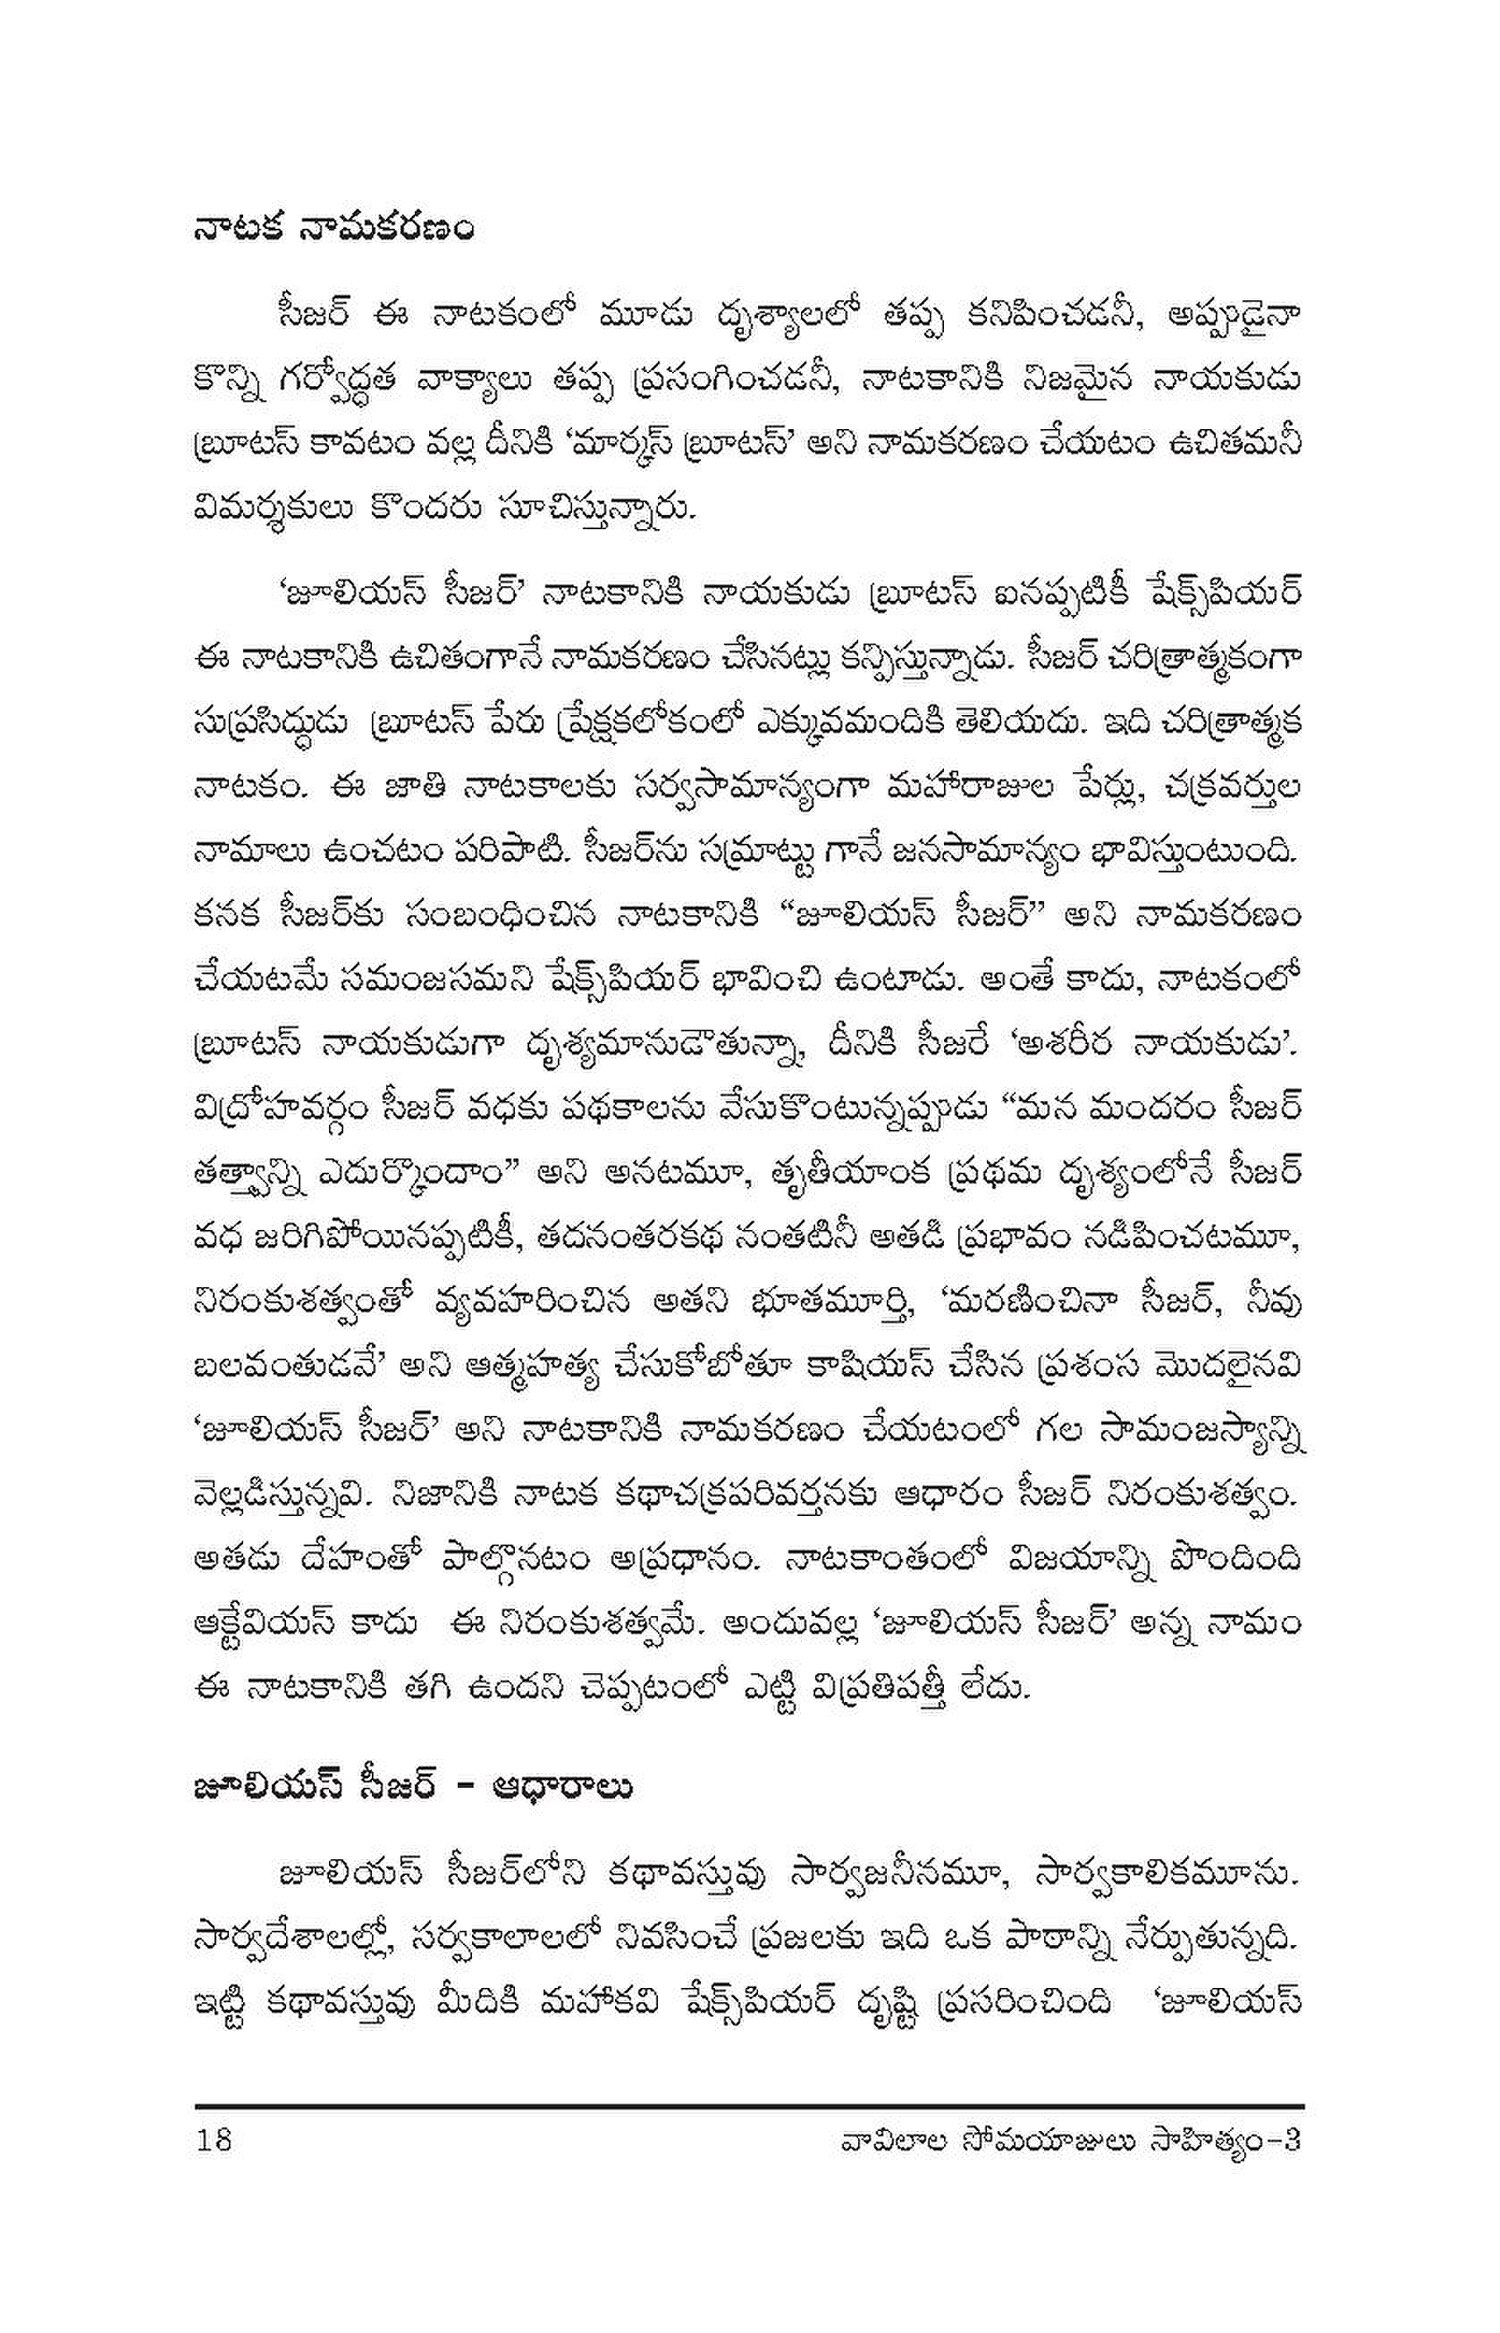నాటక నామకరణం

సీజర్ ఈ నాటకంలో మూడు దృశ్యాలలో తప్ప కనిపించడనీ, అప్పుడైనా
కొన్ని గర్వోర్ధత వాక్యాలు తప్ప ప్రసంగించడనీ, నాటకానికి నిజమైన నాయకుడు బ్రూటస్ కావటం వల్ల దీనికి 'మార్కస్ బ్రూటస్' అని నామకరణం చేయటం ఉచితమనీ విమర్శకులు కొందరు సూచిస్తున్నారు.

'జూలియస్ సీజర్' నాటకానికి నాయకుడు బ్రూటస్ ఐనప్పటికీ షేక్స్పియర్
ఈ నాటకానికి ఉచితంగానే నామకరణం చేసినట్లు కన్పిస్తున్నాడు. సీజర్ చరిత్రాత్మకంగా సుప్రసిద్దుడు బ్రూటస్ పేరు ప్రేక్షకలోకంలో ఎక్కువమందికి తెలియదు. ఇది చరిత్రాత్మక నాటకం. ఈ జాతి నాటకాలకు సర్వసామాన్యంగా మహారాజుల పేర్లు, చక్రవర్తుల నామాలు ఉంచటం పరిపాటి. సీజర్ ను సమ్రాట్టు గానే జనసామాన్యం భావిస్తుంటుంది.
కనక సీజర్కు సంబంధించిన నాటకానికి "జూలియస్ సీజర్" అని నామకరణం చేయటమే సమంజసమని షేక్స్పియర్ భావించి ఉంటాడు. అంతే కాదు, నాటకంలో బ్రూటస్ నాయకుడుగా దృశ్యమానుడౌతున్నా, దీనికి సీజరే 'అశరీర నాయకుడు'. విద్రోహవర్గం సీజర్ వధకు పథకాలను వేసుకొంటున్నప్పుడు “మన మందరం సీజర్ తత్త్వాన్ని ఎదుర్కొందాం" అని అనటమూ, తృతీయాంక ప్రథమ దృశ్యంలోనే సీజర్ వధ జరిగిపోయినప్పటికీ, తదనంతరకథ నంతటినీ అతడి ప్రభావం నడిపించటమూ, నిరంకుశత్వంతో వ్యవహరించిన అతని భూతమూర్తి, 'మరణించినా సీజర్, నీవు బలవంతుడవే' అని ఆత్మహత్య చేసుకోబోతూ కాషియస్ చేసిన ప్రశంస మొదలైనవి 'జూలియస్ సీజర్' అని నాటకానికి నామకరణం చేయటంలో గల సామంజస్యాన్ని వెల్లడిస్తున్నవి. నిజానికి నాటక కథాచక్రపరివర్తనకు ఆధారం సీజర్ నిరంకుశత్వం. అతడు దేహంతో పాల్గొనటం అప్రధానం. నాటకాంతంలో విజయాన్ని పొందింది ఆక్టేవియస్ కాదు ఈ నిరంకుశత్వమే. అందువల్ల 'జూలియస్ సీజర్' అన్న నామం
ఈ నాటకానికి తగి ఉందని చెప్పటంలో ఎట్టి విప్రతిపత్తి లేదు.

జూలియస్ సీజర్ - ఆధారాలు

జూలియస్ సీజర్ లోని కథావస్తువు సార్వజనీనమూ, సార్వకాలికమూను.
సార్వదేశాలల్లో, సర్వకాలాలలో నివసించే ప్రజలకు ఇది ఒక పాఠాన్ని నేర్పుతున్నది. ఇట్టి కథావస్తువు మీదికి మహాకవి షేక్స్పియర్ దృష్టి ప్రసరించింది 'జూలియస్